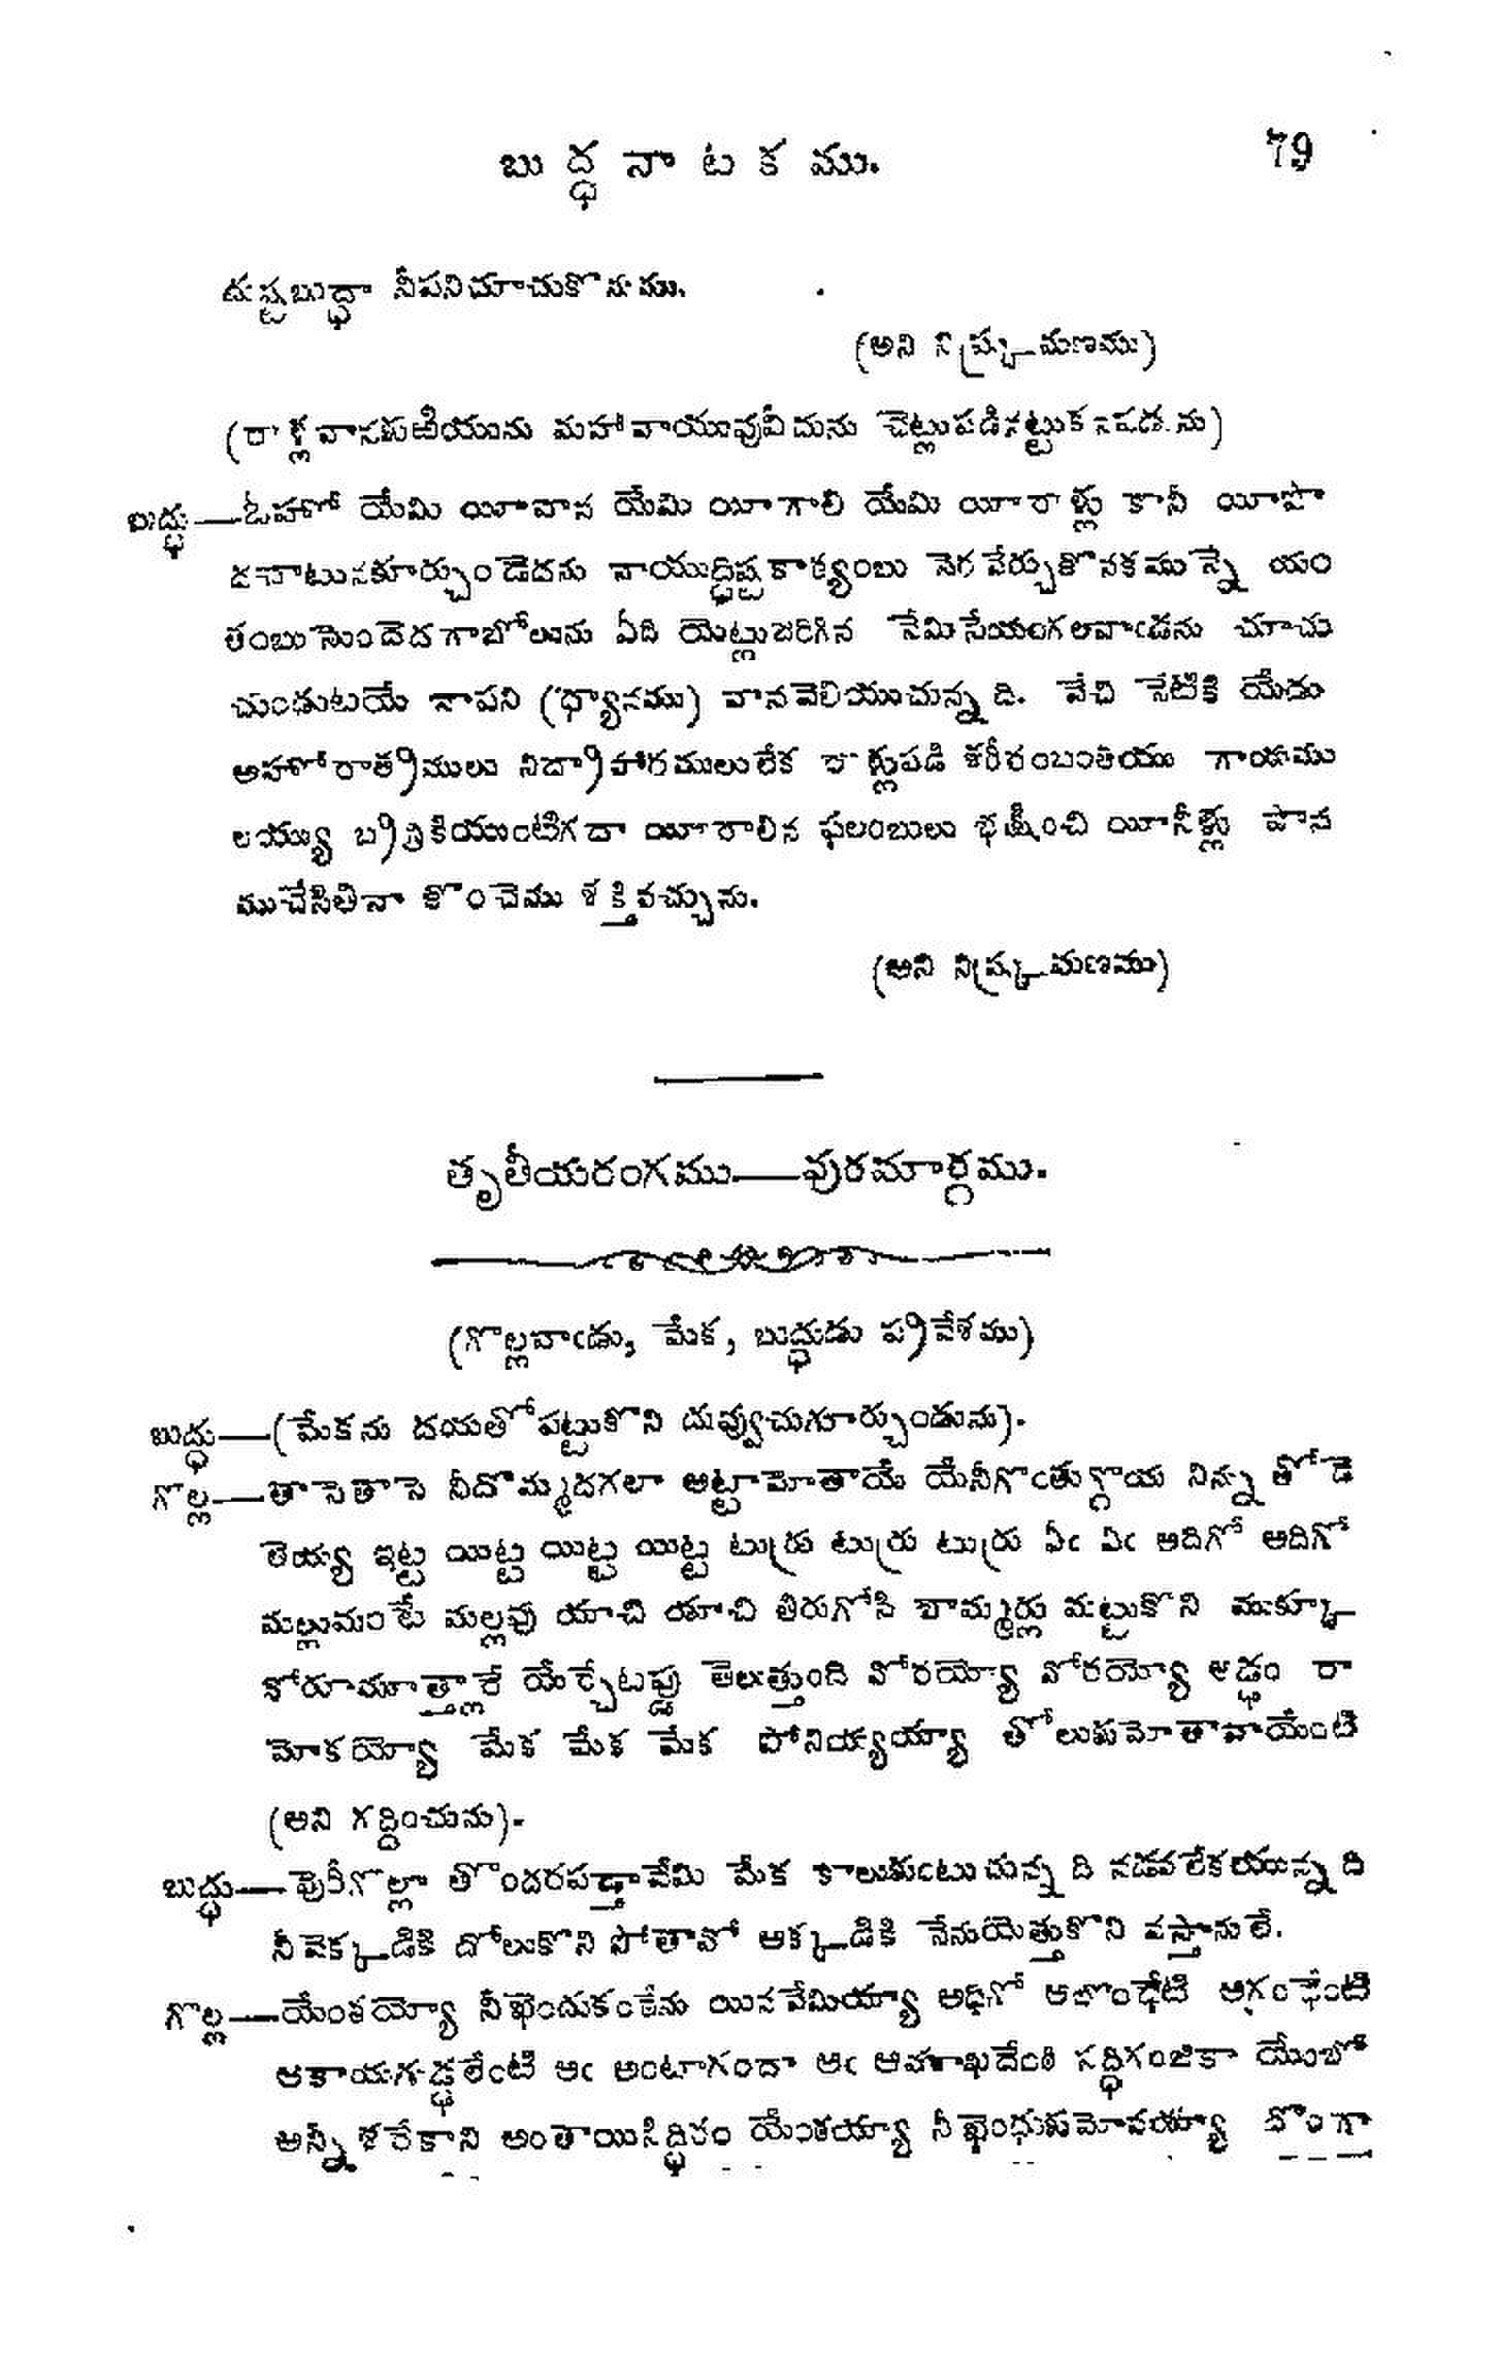దష్టబుద్ధా నిపనిచూచుకొనుము 

బుద్ధు - ఓహో యేమి యీవాన యేమి యీగాలి యేమి యీరాళ్లు కానీ యీపొదచాటున కూర్చుండెదను వాయుర్ధిష్టకార్యంబు నెరవేర్చు కొనకమున్నే యంతంబునుందెదగాబోలును ఏది యెట్లుజరిగిన నేమిసేయంగలవాఁడను చూచుచుండుటయే నాపని (ధ్యానము) వాన వెలియుచున్నది. వేచి నేటికి యేడు అహోరాత్రములు నిద్రాహారములు లేక రాళ్లుపడి శరీరంబంతయు గాయములయ్యు బ్రతికియుంటిగదా యీ రాలిన ఫలంబులు భక్షించి యీనీళ్లు పానముచేసితినా కొంచెము శక్తి వచ్చును.

 

 

బుద్ధు — (మేకను దయతోపట్టుకొని దువ్వుచుగూర్చుండును).

గొల్ల - తాసెతాసె నీదొమ్మదగలా అట్టామోతాయే యేనీగొంతుగోయ నిన్నుతోడెలెయ్యా ఇట్ట యిట్ట యిట్ట యిట్ట టుర్రు టుర్రు 
టుర్రు ఏఁ విఁ అదిగో అదిగో మల్లుమంటే మల్లవు యాచి యాచి తిరుగోసి బామ్మర్లు మట్టుకొని ముక్కూ నోరూ మూత్తార్లే 
యేర్చేటప్పుడు తెలుత్తుంది వోరయ్యో వోరయ్యో అడ్డం రా మోకయ్యో మేక మేక మేక పోనియ్యయ్యా తోలుకుమోతానాయేంటి
(అని గద్దించును).

బుద్ధు — వెరీగొల్లా తొందరపడ్డావేమి మేక కాలుకుఁటుచున్నది నడవలేకయున్నది నీ వెక్కడికి దోలుకొని పోతావో అక్కడికి 
నేనుయెత్తుకొని వస్తానులే.

గొల్ల — యేంతయ్యో నీఖెందుకంకేను యినవేమియ్యా ఆధి ఆబొందేటి ఆగంధేంటి ఆకాయగడ్డలేంటి అఁ అంటాగుందా 
ఆఁ ఆవశాఖదేవికి సద్ధిగంజికా యేంబో అన్నీశరేకాని అంతాయిద్ధిరం యేంశయ్యా నీఖేందుకుమోవయ్యా దొంగా